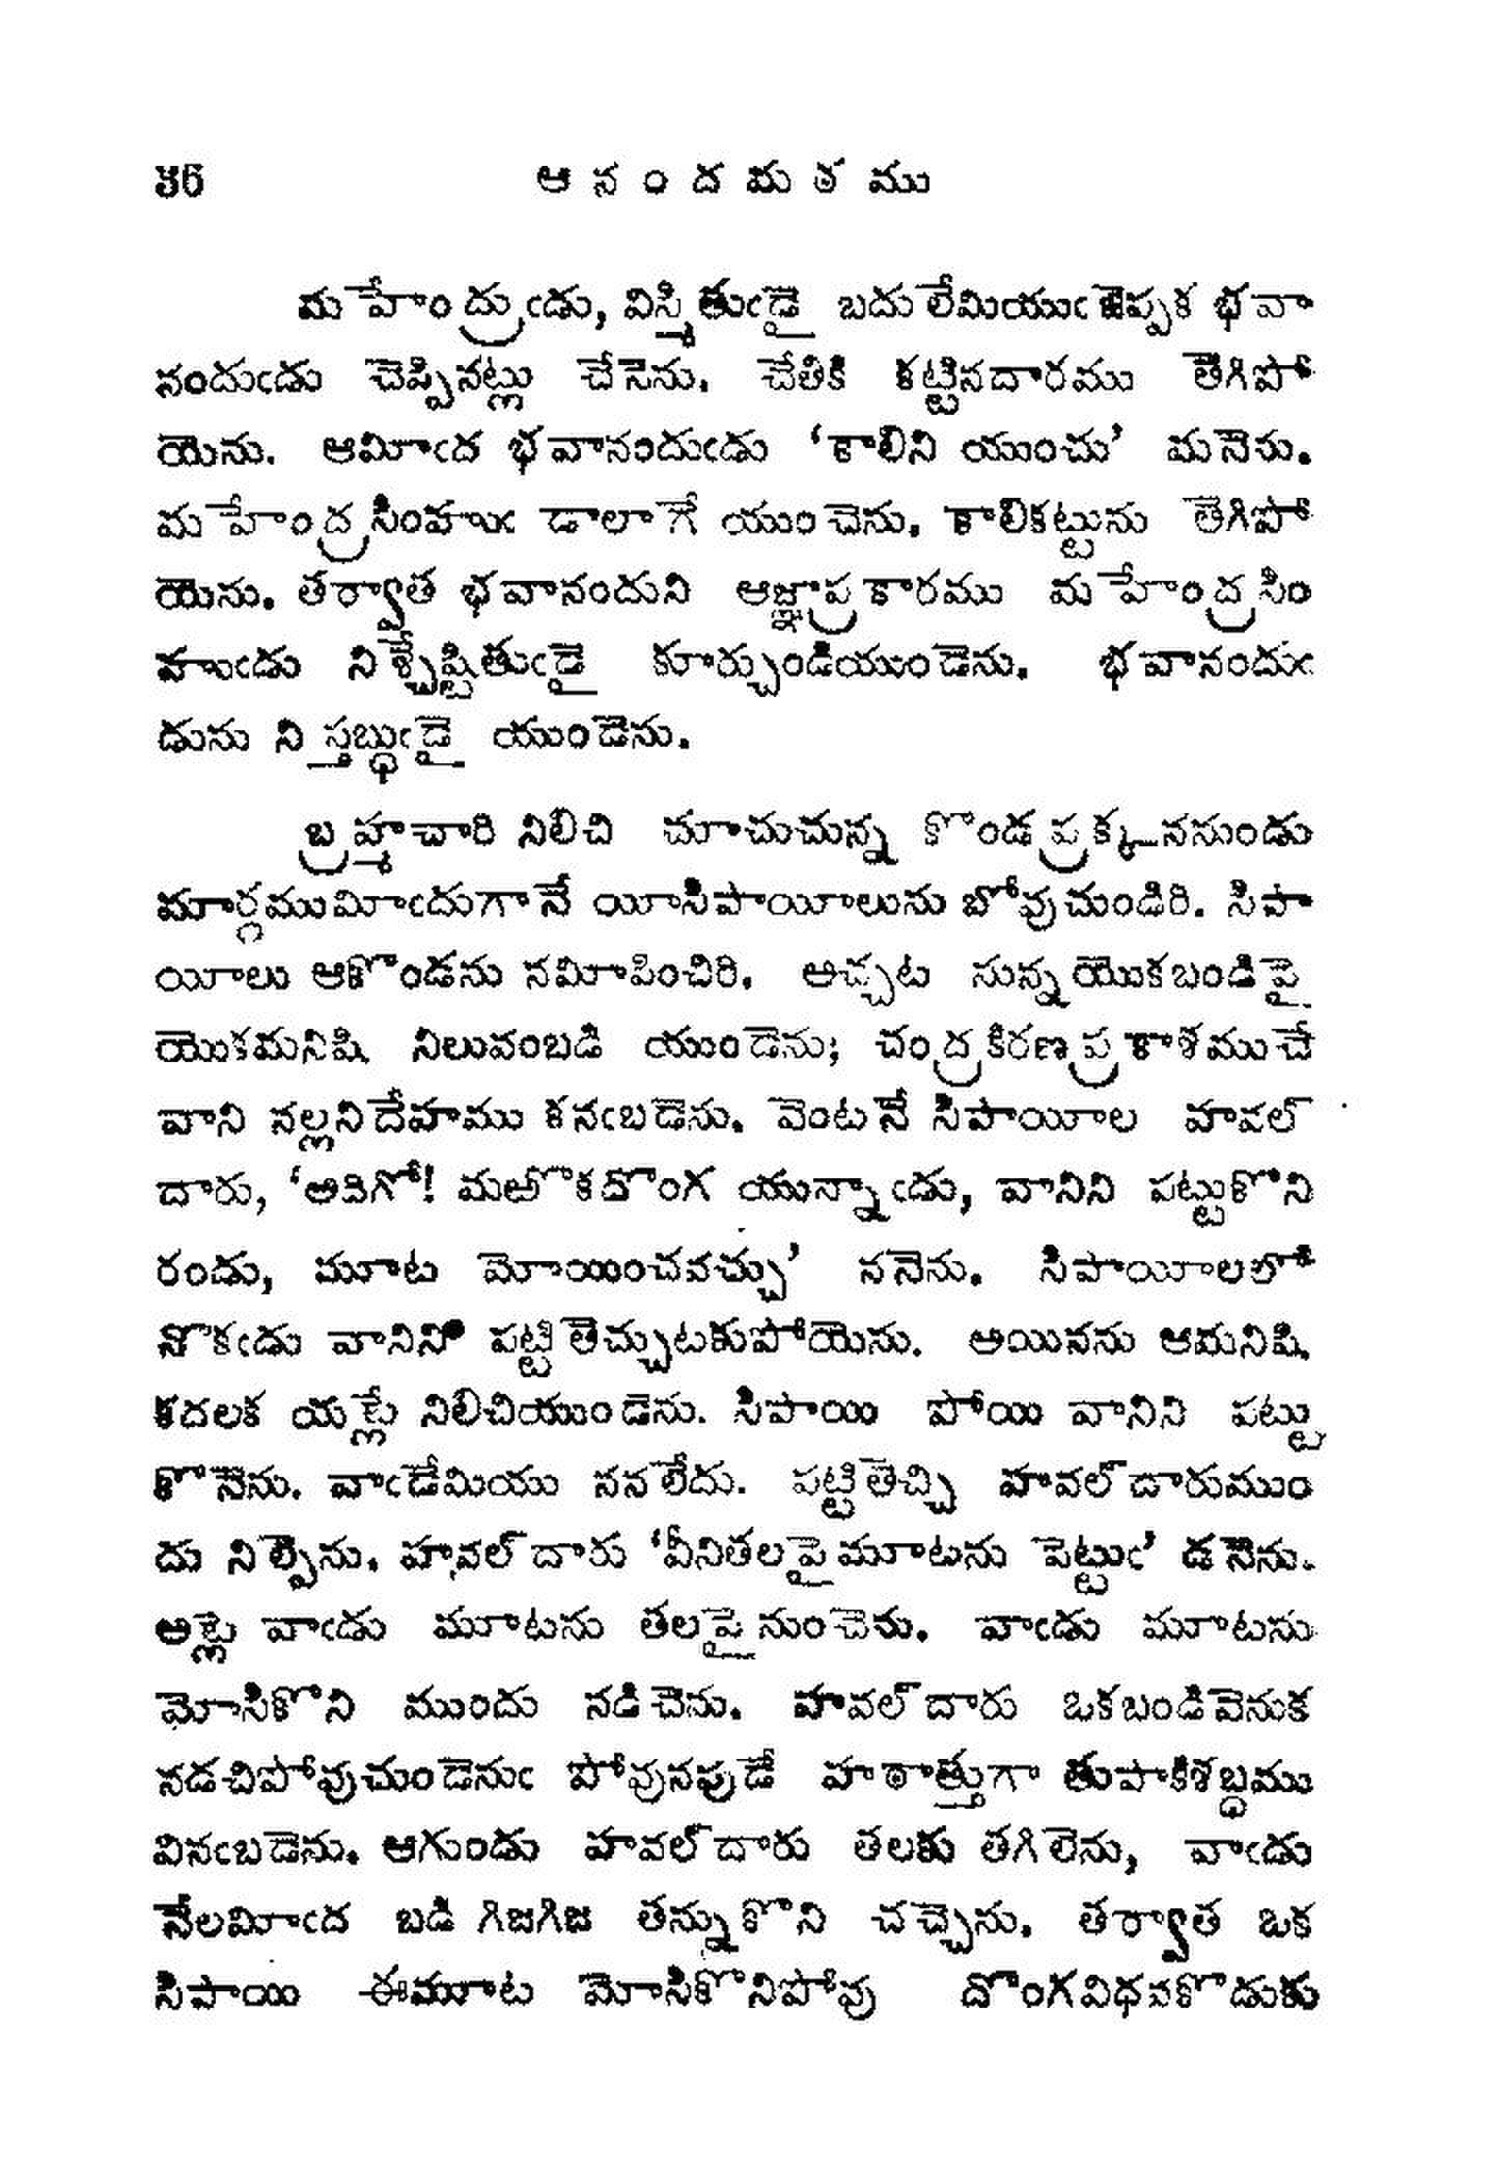మహేంద్రుఁడు, విస్మీతుఁడై బదులేమియుఁ జెప్పక భవానందుఁడు చెప్పినట్లు చేసెను. చేతికి కట్టినదారము తెగిపోయెను. ఆమీఁద భవానందుఁడు 'కాలిని యుంచు' మనెను. మహేంద్రసింహుఁ డాలాగే యుంచెను. కాలికట్టును తెగిపోయెను. తర్వాత భవానందుని ఆజ్ఞాప్రకారము మహేంద్రసింహుఁడు నిశ్చేష్టితుఁడై కూర్చుండియుండెను, భవానందుఁడును నిస్తబ్ధుఁడై యుండెను.

బ్రహచారి నిలిచి చూచుచున్న కొండ ప్రక్కననుండు మార్గము మీఁదుగానే యీసిపాయీలును బోవుచుండిరి. సిపాయీలు ఆకొండను సమీపించిరి. అచ్చట సున్న యొక బండి పై యొకమనిషి నిలువంబడి యుండెను; చంద్ర కిరణ ప్రకాశము చే వానీ నల్లనిదేహము కనఁబడెను. వెంటనే సిపాయీల హవల్దారు, 'అదిగో! మఱోక దొంగ యున్నాఁడు, వానిని పట్టుకోని రండు, మూట మోయించవచ్చు ' ననెను. సిపాయీలలో నొకఁడు వానిని పట్టి తెచ్చుటకుపోయెను. అయినను ఆమనిషి కదలక యట్లే నిలిచియుండెను. సిపాయి పోయి వానిని పట్టుకోనెను. వాఁడేమియు నన లేదు. పట్టి తెచ్చి హవల్దారుముందు నిల్పెను, హవల్దారు 'వీనితలపై మూటను పెట్టుఁ' డనెను.
అట్లే వాఁడు మూటను తలపై నుంచెను. వాఁడు మూటను మోసికొని ముందు నడిచెను. హవల్దారు ఒక బండి వెనుక నడచిపోవుచుండెనుఁ పోవునపుడే హఠాత్తుగా తుపాకిశబ్ధము వినఁబడెను, ఆగుండు హవల్ దారు తలకు తగిలెను, వాఁడు నేలమీఁద బడి గిజగిజ తన్నుకొని చచ్చెను. తర్వాత ఒక సిపాయి ఈమూట మోసికొనిపోవు దొంగవిధవకొడుకు